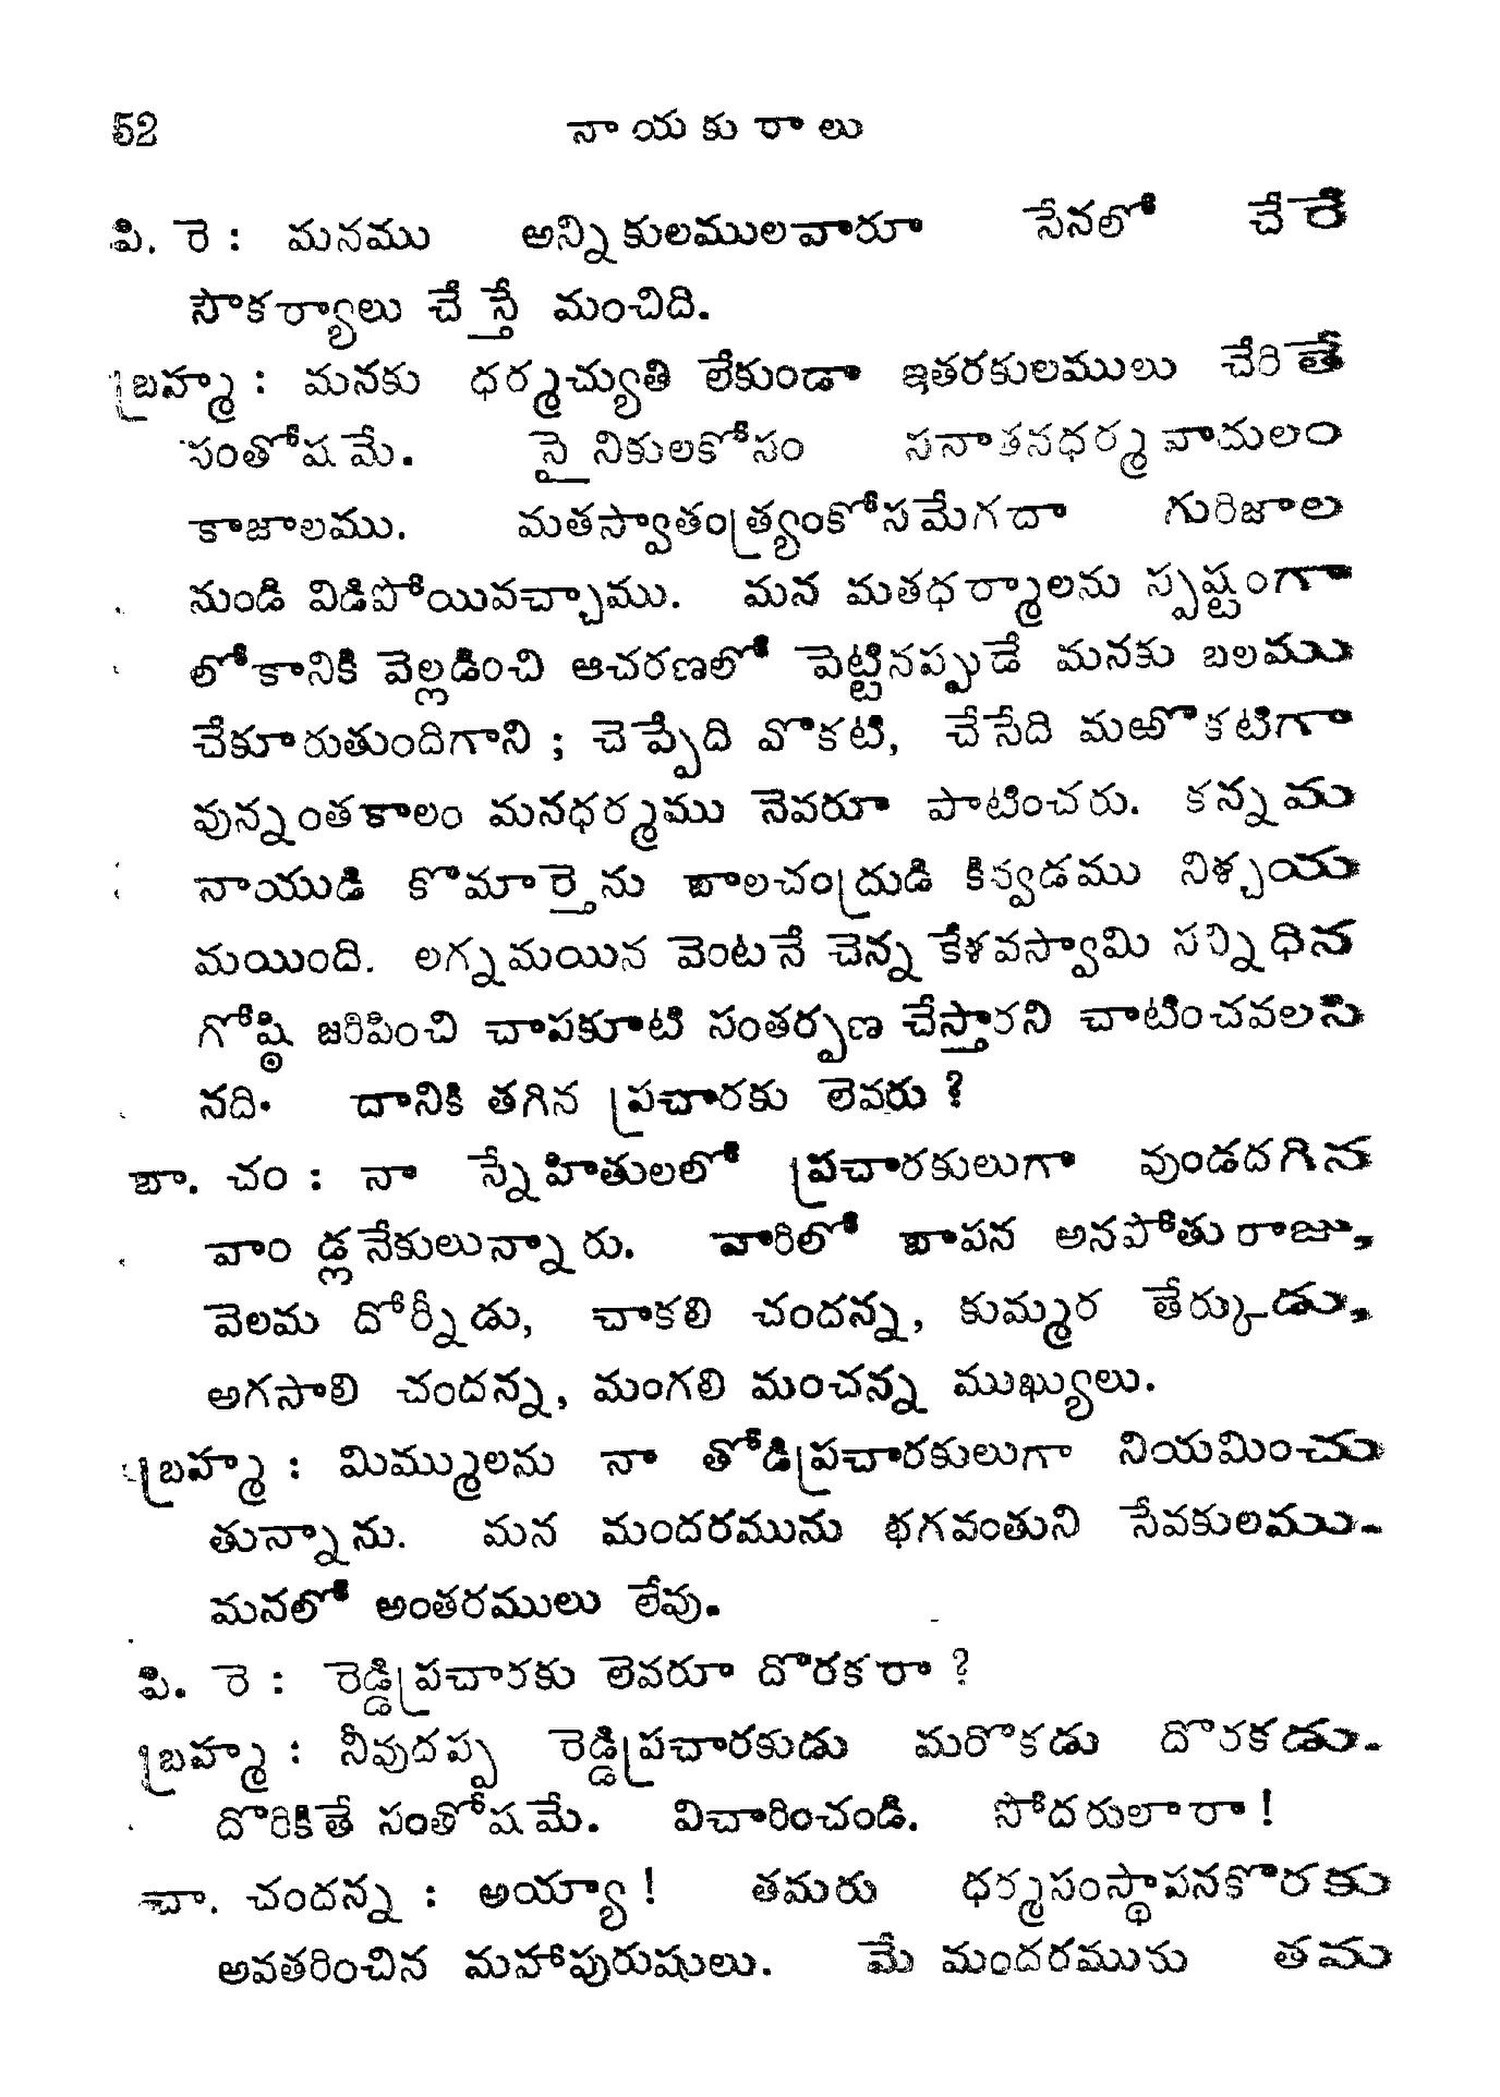పి. రె: మనము అన్నికులములవారూ సేనలో చేరే సౌకర్యాలు చేస్తే మంచిది.

బ్రహ్మ : మనకు ధర్మచ్యుతి లేకుండా ఇతరకులములు చేరితే సంతోషమే. సైనికులకోసం సనాతనధర్మ వాదులం కాజాలము. మతస్వాతంత్ర్యంకోసమేగదా గురిజాలనుండి విడిపోయివచ్చాము. మన మతధర్మాలను స్పష్టంగా లోకానికి వెల్లడించి ఆచరణలో పెట్టినప్పుడే మనకు బలము
చేకూరుతుందిగాని ; చెప్పేది వొకటి, చేసేది మఱొకటిగా వున్నంతకాలం మనధర్మము నెవరూ పాటించరు. కన్నమ నాయుడి కొమార్తెను బాలచంద్రుడి కివ్వడము నిశ్చయమయింది. లగ్నమయిన వెంటనే చెన్న కేశవస్వామి సన్నిధిన గోష్ఠి జరిపించి చాపకూటి సంతర్పణ చేస్తారని చాటించవలసినది. దానికి తగిన ప్రచారకు లెవరు ?

బా. చం : నా స్నేహితులలో ప్రచారకులుగా వుండదగినవాం డ్లనేకులున్నారు. వారిలో బాపన అనపోతురాజు, వెలమ దోర్నీడు, చాకలి చందన్న , కుమ్మర తేర్కుడు, అగసాలి చందన్న, మంగలి మంచన్న ముఖ్యులు.

బ్రహ్మ : మిమ్ములను నా తోడిప్రచారకులుగా నియమించుతున్నాను. మన మందరమును భగవంతుని సేవకులము. మనలో అంతరములు లేవు.

పి. రె: రెడ్డిప్రచారకు లెవరూ దొరకరా ?

బ్రహ్మ : నీవుదప్ప రెడ్డిప్రచారకుడు మరొకడు దొరకడు. దొరికితే సంతోషమే. విచారించండి. సోదరులారా!

చా. చందన్న : అయ్యా ! తమరు ధర్మసంస్థాపనకొరకు అవతరించిన మహాపురుషులు. మే మందరమును తమ